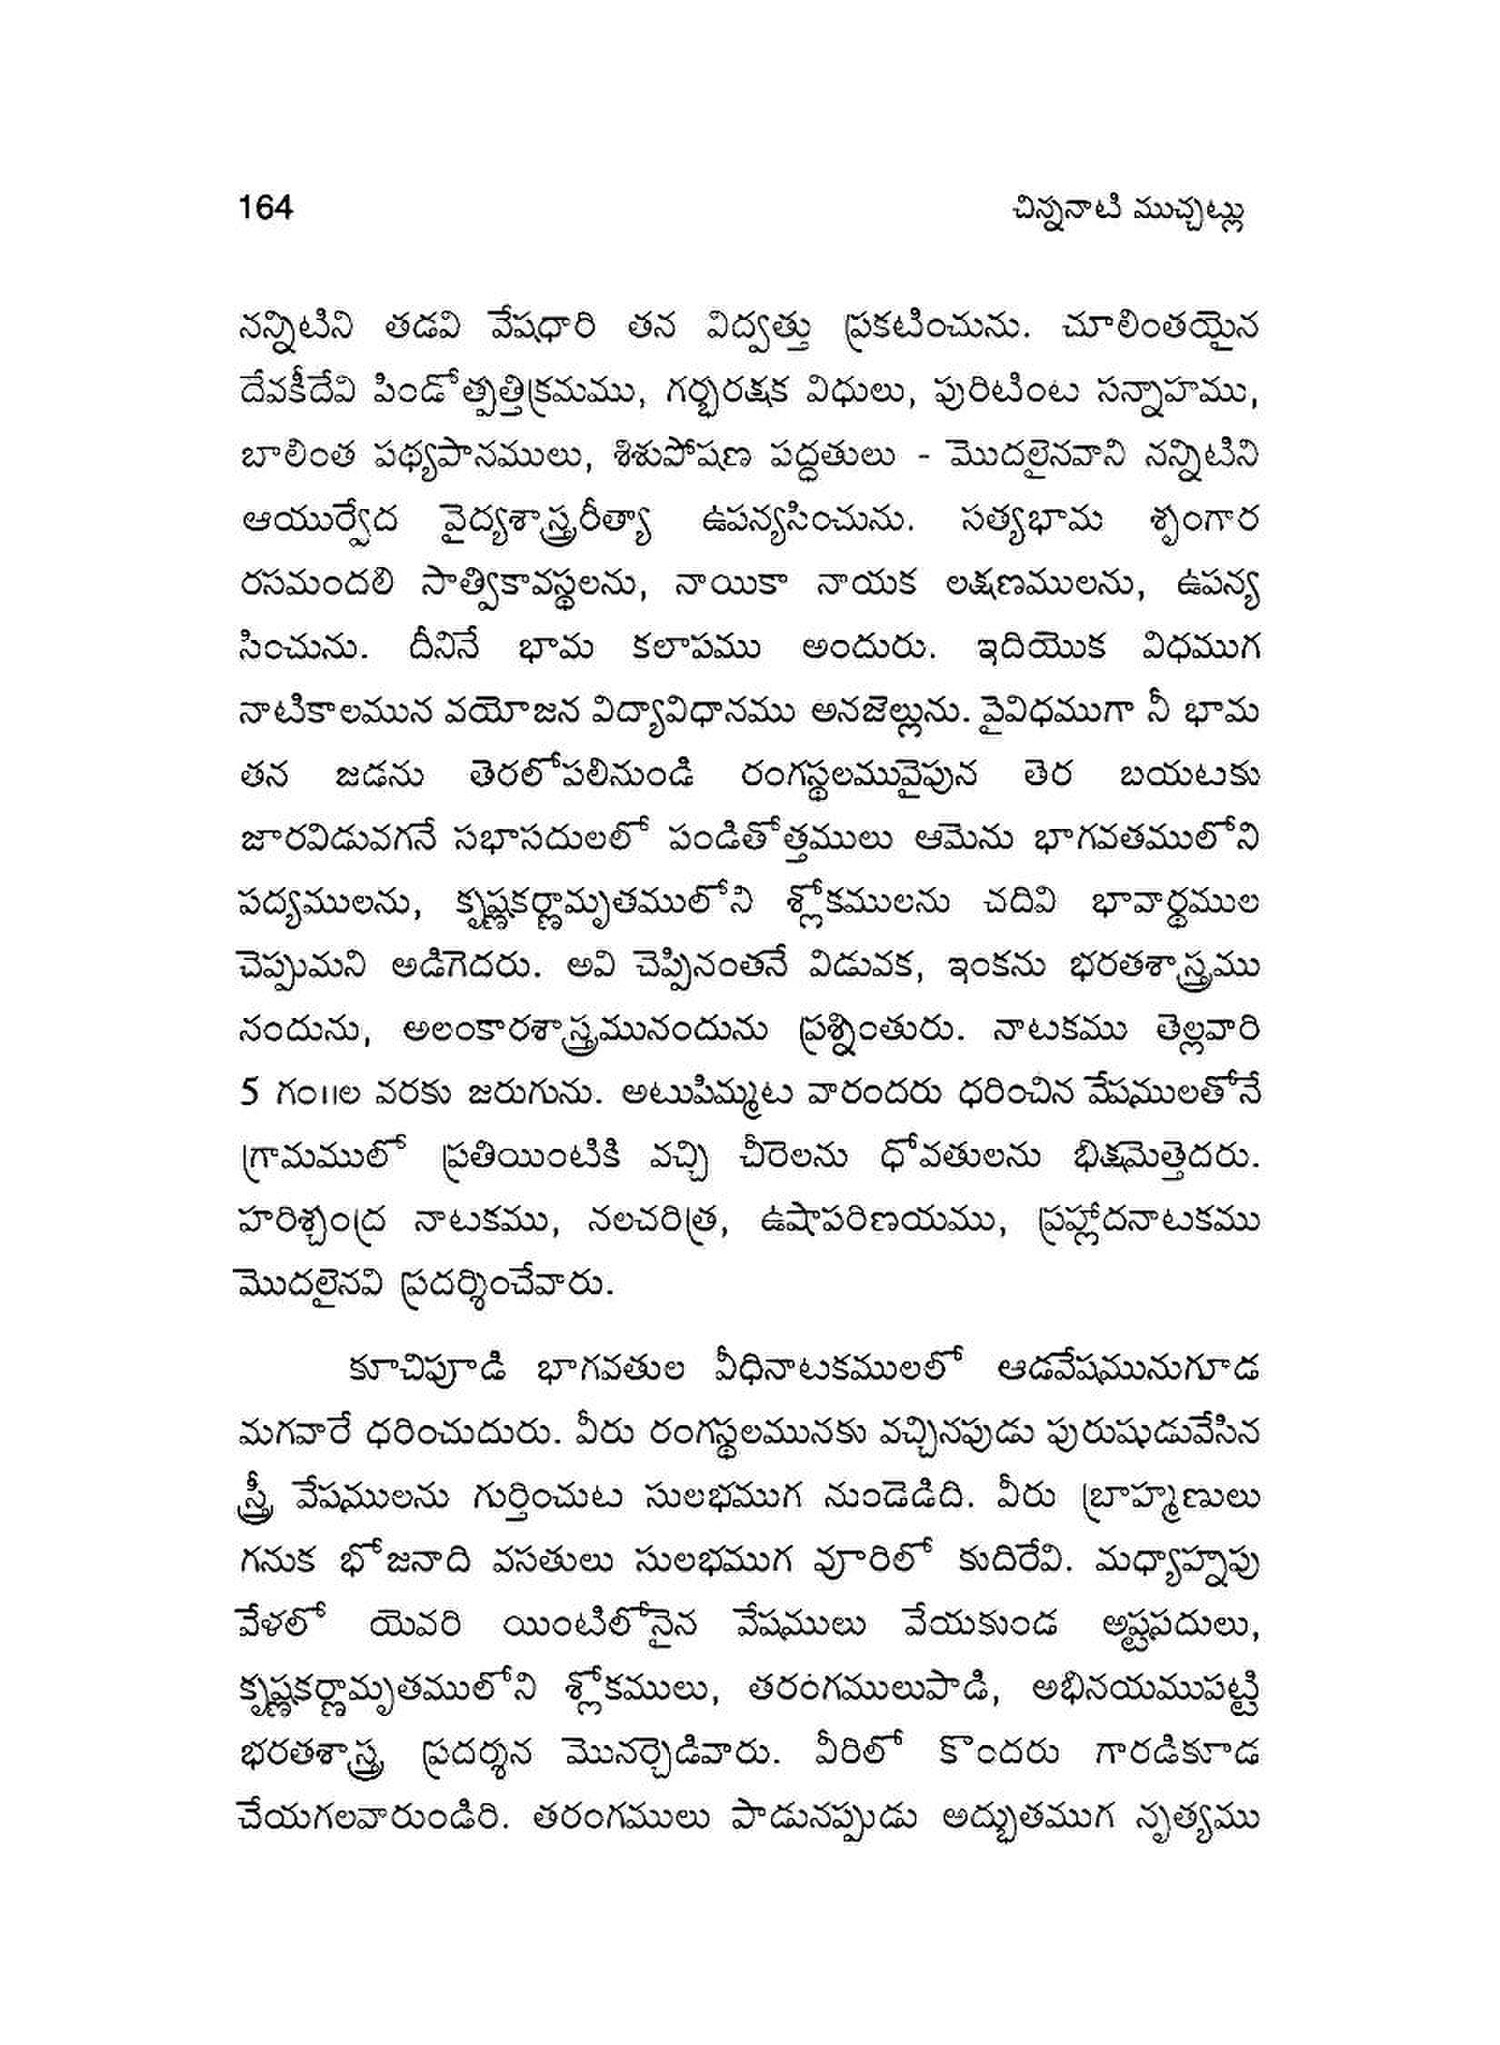నన్నిటిని తడవి వేషధారి తన విద్వత్తు ప్రకటించును. చూలింతయైన దేవకీదేవి పిండోత్పత్తిక్రమము, గర్భరక్షక విధులు, పురిటింటు సన్నాహము, బాలింత పథ్యపానములు, శిశుపోషణ పద్దతులు - మొదలైనవాని నన్నిటిని ఆయుర్వేద వైద్యశాస్త్రరీత్యా ఉపన్యసించును. సత్యభామ శృంగార రసమందలి సాత్వికావస్థలను, నాయికా నాయక లక్షణములను, ఉపన్యసించును. దీనినే భామ కలాపము అందురు. ఇదియొక విధముగ నాటికాలమున వయోజన విద్యావిధానము అనజెల్లును. పైవిధముగా నీ భామ తన జడను తెరలోపలినుండి రంగస్థలమువైపున తెర బయటకు జారవిడువగనే సభాసదులలో పండితోత్తములు ఆమెను భాగవతములోని పద్యములను, కృష్ణకర్ణామృతములోని శ్లోకములను చదివి భావార్ధముల చెప్పమని అడిగెదరు. అవి చెప్పినంతనే విడువక, ఇంకను భరతశాస్త్రము నందును, అలంకారశాస్త్రమునందును ప్రశ్నింతురు. నాటకము తెల్లవారి 5 గం||ల వరకు జరుగును. అటుపిమ్మట వారందరు ధరించిన వేషములతోనే గ్రామములో ప్రతియింటికి వచ్చి చీరెలను ధోవతులను భిక్షమెత్తెదరు. హరిశ్చంద్ర నాటకము, నలచరిత్ర, ఉషాపరిణయము, ప్రహ్లాదనాటకము మొదలైనవి ప్రదర్శించేవారు.

కూచిపూడి భాగవతుల వీధినాటకములలో ఆడవేషమునుగూడ మగవారే ధరించుదురు. వీరు రంగస్థలమునకు వచ్చినపుడు పురుషుడువేసిన స్త్రీ వేషములను గుర్తించుట సులభముగ నుండెడిది. వీరు బ్రాహ్మణులు గనుక భోజనాది వసతులు సులభముగ వూరిలో కుదిరేవి. మధ్యాహ్నపు వేళలో యెవరి యింటిలోనైన వేషములు వేయకుండ అష్టపదులు, కృష్ణకర్ణామృతములోని శ్లోకములు, తరంగములుపాడి, అభినయముపట్టి భరతశాస్త్ర ప్రదర్శన మొనర్చెడివారు. వీరిలో కొందరు గారడికూడ చేయగలవారుండిరి. తరంగములు పాడునప్పడు అద్భుతముగ నృత్యము